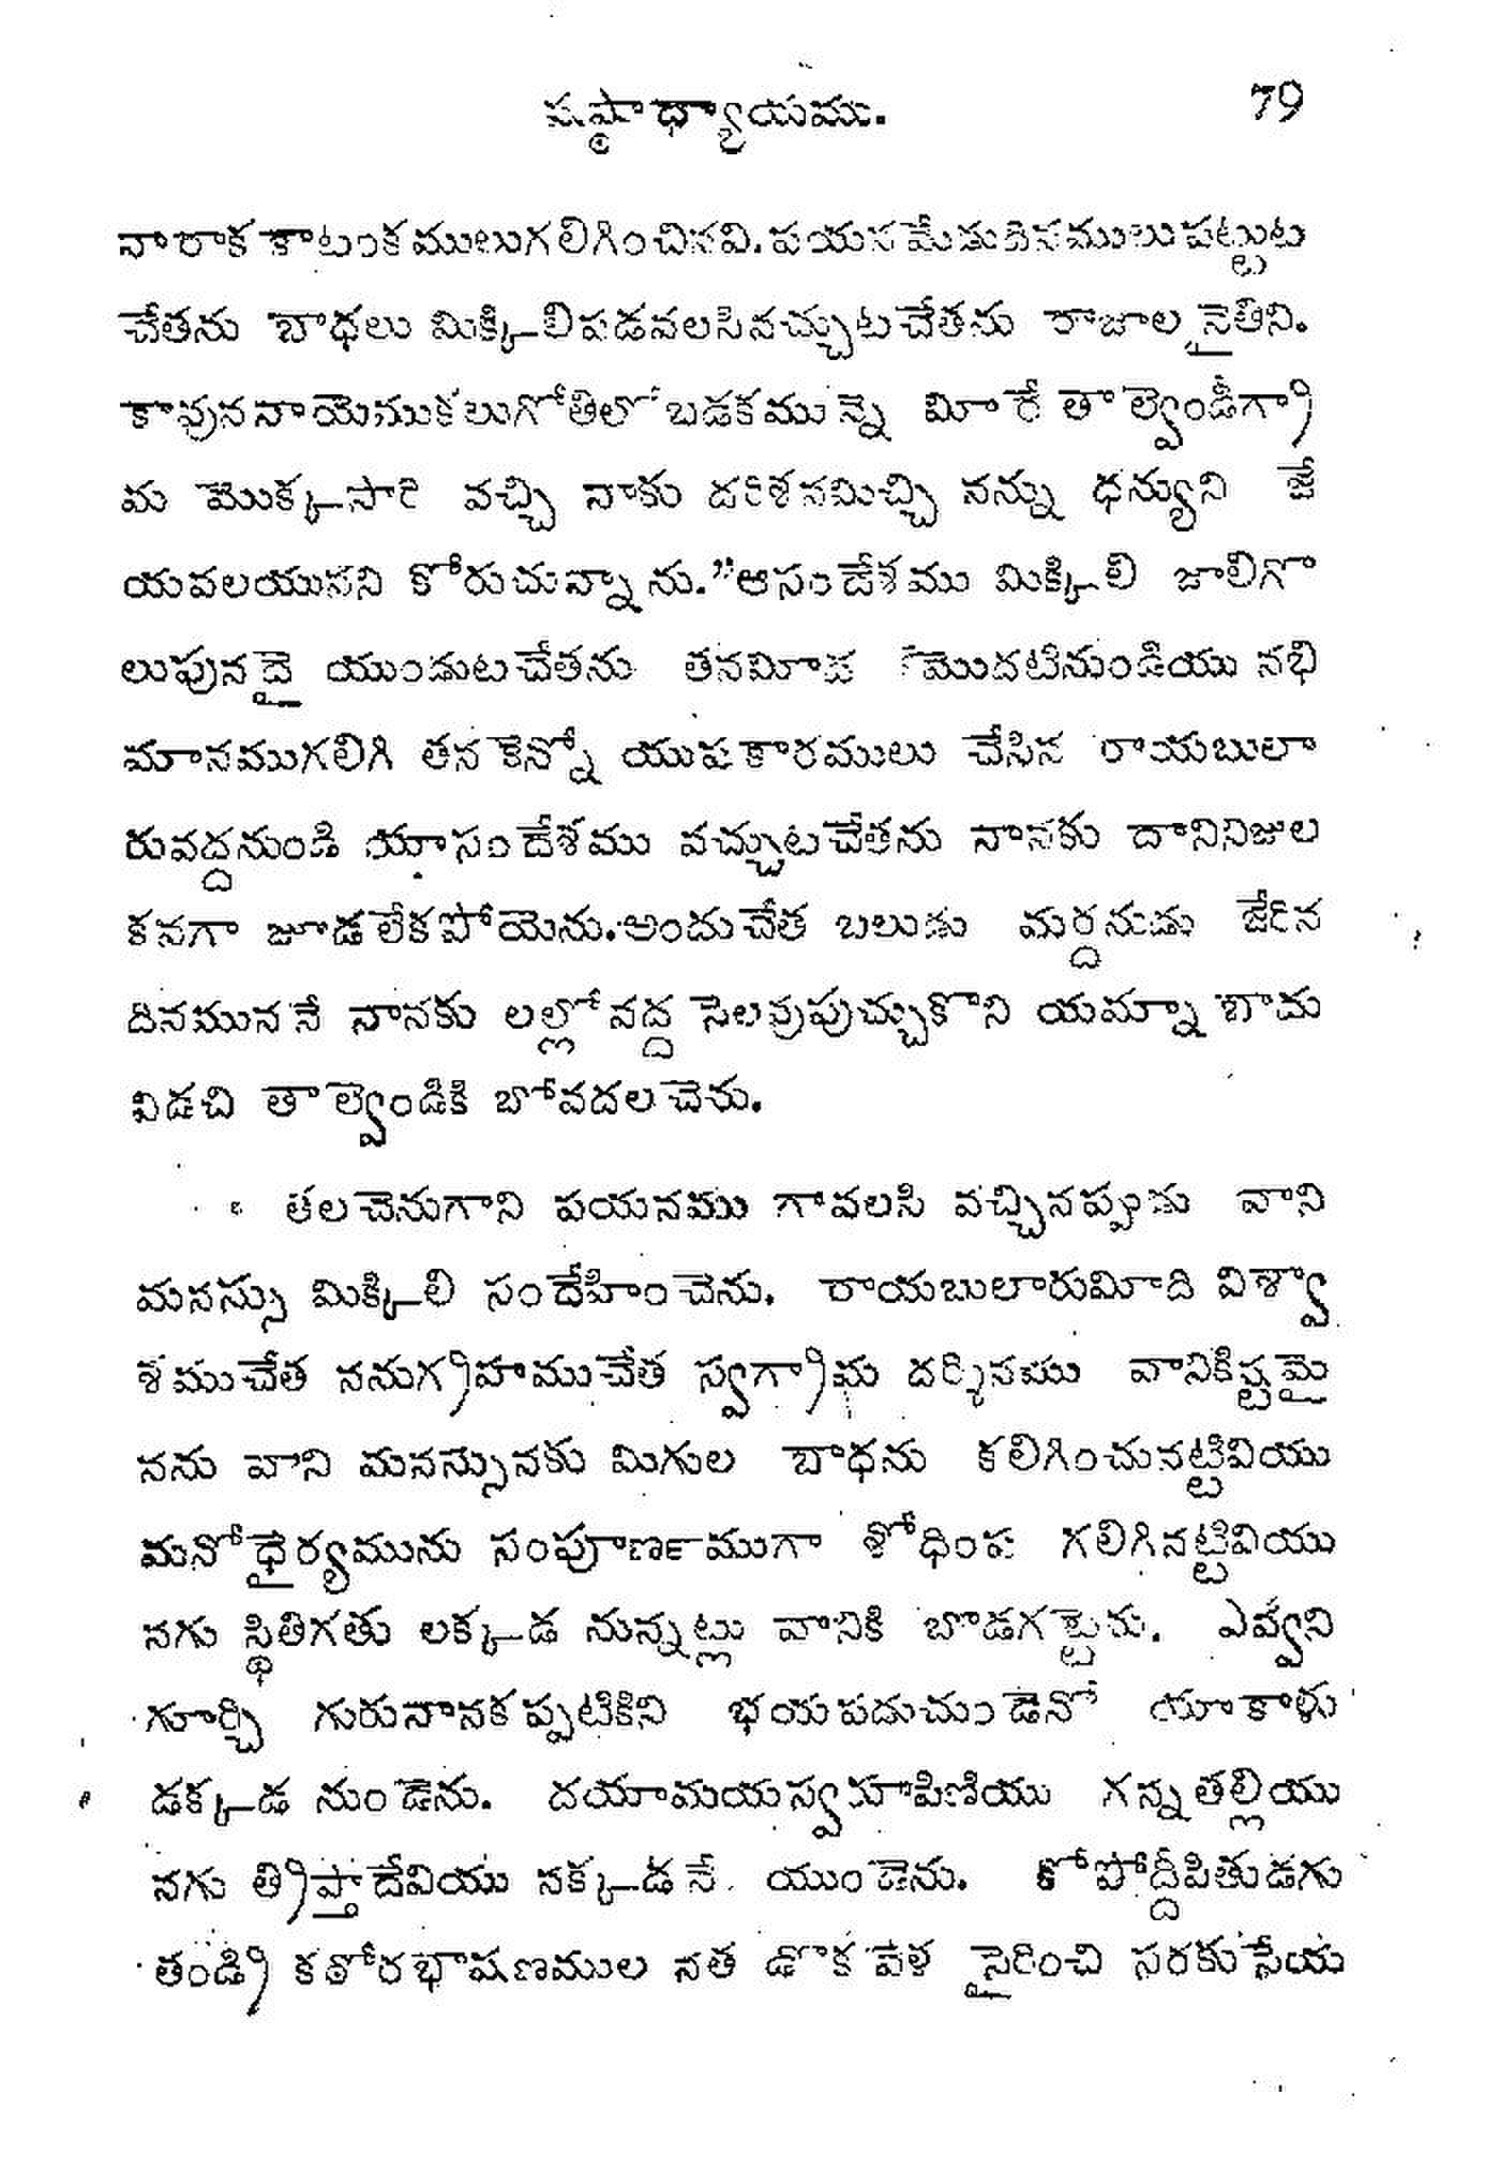నారాక కాటంకములుగలిగించినవి. పయనమేడుదినములు పట్టుటచేతను బాధలు మిక్కిలిపడవలసివచ్చుటచేతను రాజాలనైతిని. కావున నాయెముకలుగోతిలో బడకమున్నె మీరే తాల్వెండీగ్రామ మొక్కసారి వచ్చి నాకు దరిశనమిచ్చి నన్ను ధన్యుని జేయవలయునని కోరుచున్నాను. "ఆసందేశము మిక్కిలి జాలిగొలుపునదై యుండుటచేతను తనమీద మొదటినుండియు నభిమానముగలిగి తనకెన్నో యుపకారములు చేసిన రాయబులారువద్దనుండి యాసందేశము వచ్చుటచేతను నానకు దానినిజులకనగ జూడలేకపోయెను. అందుచేత బలుడు మర్దనుడు జేరిన దినముననే నానకు లల్లోవద్ద సెలవుపుచ్చుకొని యమ్నాబాదు విడచి తాల్వెండికి బోవదలచెను.

తలచెనుగాని పయనము గావలసి వచ్చినప్పుడు వాని మనస్సు మిక్కిలి సందేహించెను. రాయబులారుమీది విశ్వాసముచేత ననుగ్రహముచేత స్వగ్రామ దర్శినము వానికిష్టమైనను వాని మనస్సునకు మిగుల బాధను కలిగించునట్టివియు మనోధైర్యమును సంపూణన్‌ముగా శోధింప గల్గినట్టివియునగు స్థితిగతు లక్కడ నున్నట్లు వానికి బొడగట్టెను. ఎవ్వని గూర్చి గురునానకప్పటికిని భయపడుచుండెనో యాకాళుడక్కడ నుండెను. దయామయస్వరూపిణియు గన్నతల్లియునగు త్రిప్తాదేవియు నక్కడనే యుండెను. కోపోద్దీపితుడగు తండ్రి కఠోరభాషణముల నత డొకవేళ సైరించి సరకుసేయ